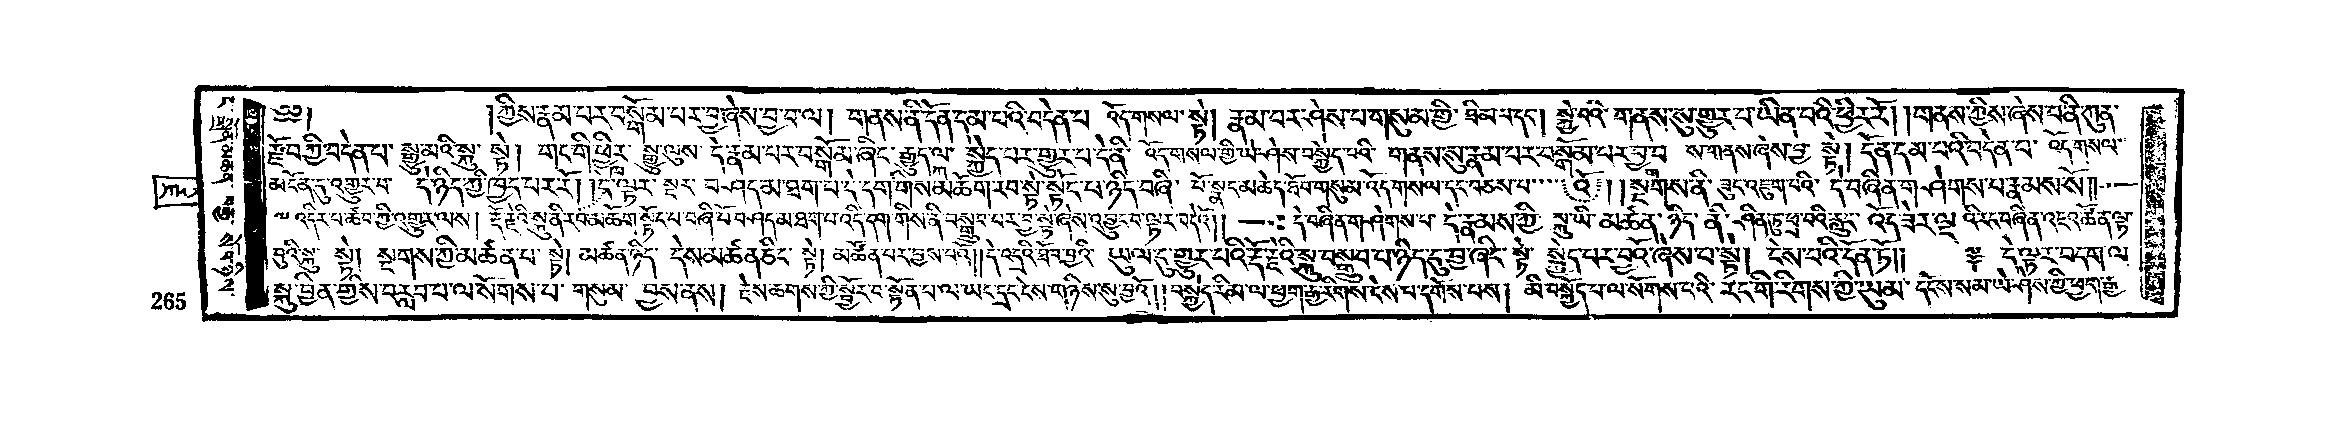༄༅། །ཀྱིས་རྣམ་པར་བསྒོམ་པར་བྱ་ཞེས་བྱ་བ་ལ། གནས་ནི་དོན་དམ་པའི་བདེན་པ་འོད་གསལ་སྟེ། རྣམ་པར་ཤེས་པ་གསུམ་གྱི་ཐིམ་པ་དང་། སྐྱེ་བའི་གནས་སུ་གྱུར་པ་ཡིན་པའི་ཕྱིར་རོ། །གནས་ཀྱིས་ཞེས་པ་ནི་ཀུན་
རྫོབ་ཀྱི་བདེན་པ་སྒྱུ་མའི་སྐུ་སྟེ། གང་གི་ཕྱིར་སྒྱུ་ལུས་དེ་རྣམ་པར་བསྒོམ་ཞིང་རྒྱུད་ལ་སྐྱེད་པར་གྱུར་པ་དེ་ནི་འོད་གསལ་གྱི་ཡེ་ཤེས་བསྐྱེད་པའི་གནས་སུ་རྣམ་པར་བསྒོམ་པར་བྱ་བས་གནས་ཞེས་བྱ་སྟེ། དོན་དམ་པའི་བདེན་པ་འོད་གསལ་
མངོན་དུ་འགྱུར་བ་དེ་ཉིད་ཀྱི་ཁྱད་པར་རོ། ། ཁ་དེ་ལྟར་སྔར་བཤད་མ་ཐག་པ་དེ་དག་གིས་ཀ་མཆོག་རབ་སྟེ་སྟོང་པ་ཉིད་བཞི་པོ་སྣང་མཆེད་ཐོབ་གསུམ་འོད་གསལ་དང་བཅས་པའོ། ། ག་སྔགས་ནི་ཟུང་འཇུག་པའི་དེ་བཞིན་གཤེགས་པ་རྣམས་སོ།། H.
༧འདིར་པ་ཚབ་ཀྱི་འགྱུར་ལས། རྡོ་རྗེའི་སྐུ་ནི་རབ་མཆོག་སྟོང་པ་བཞི་པོ་བཤད་མ་ཐག་པ་འདི་དག་གིས་ནི་བསྒྲུབ་པར་བྱ་སྟེ་ཞེས་འབྱུང་བ་ལྟར་བདེའོ།། .H དེ་བཞིན་གཤེགས་པ་དེ་རྣམས་ཀྱི་སྐུ་ཡི་མཚན་ཉིད་ནི་ཤིན་ཏུ་ཕྲ་བའི་རླུང་འོད་ཟེར་ལྔའི་རང་བཞིན་འཇའ་ཚོན་ལྟ་
བུའི་སྐུ་སྟེ། སྔགས་ཀྱི་མཚན་པ་སྟེ། མཚན་ཉིད་དེས་མཚན་ཅིང་སྟེ། མཚོན་པར་བྱས་པའི། །དེ་འདྲའི་ཐོབ་བྱའི་ཡུལ་དུ་གྱུར་པའི་རྡོ་རྗེའི་སྐུ་བསྒྲུབ་པ་ཉིད་དུ་བྱ་ཞིང་སྟེ་སྐྱེད་པར་བྱའོ་ཞེས་པ་སྟེ། ངེས་པའི་དོན་ཏོ།། ༈ དེ་ལྟར་བདག་ལ་
སྐུ་བྱིན་གྱིས་བརླབ་པ་ལ་སོགས་པ་གསུམ་བྱས་ནས་རྗེས་ཆགས་ཀྱི་སྦྱོར་བ་སྟོན་པ་ལ་ཡང་དྲང་ངེས་གཉིས་སུ་བྱའོ། །བསྐྱེད་རིམ་ལ་ཕྱག་རྒྱ་རིགས་ངེས་པ་དགོས་པས། མི་བསྐྱོད་པ་ལ་སོགས་པའི་རང་གི་རིགས་ཀྱི་ཡུམ་དངོས་སམ་ཡེ་ཤེས་ཀྱི་ཕྱག་རྒྱ་